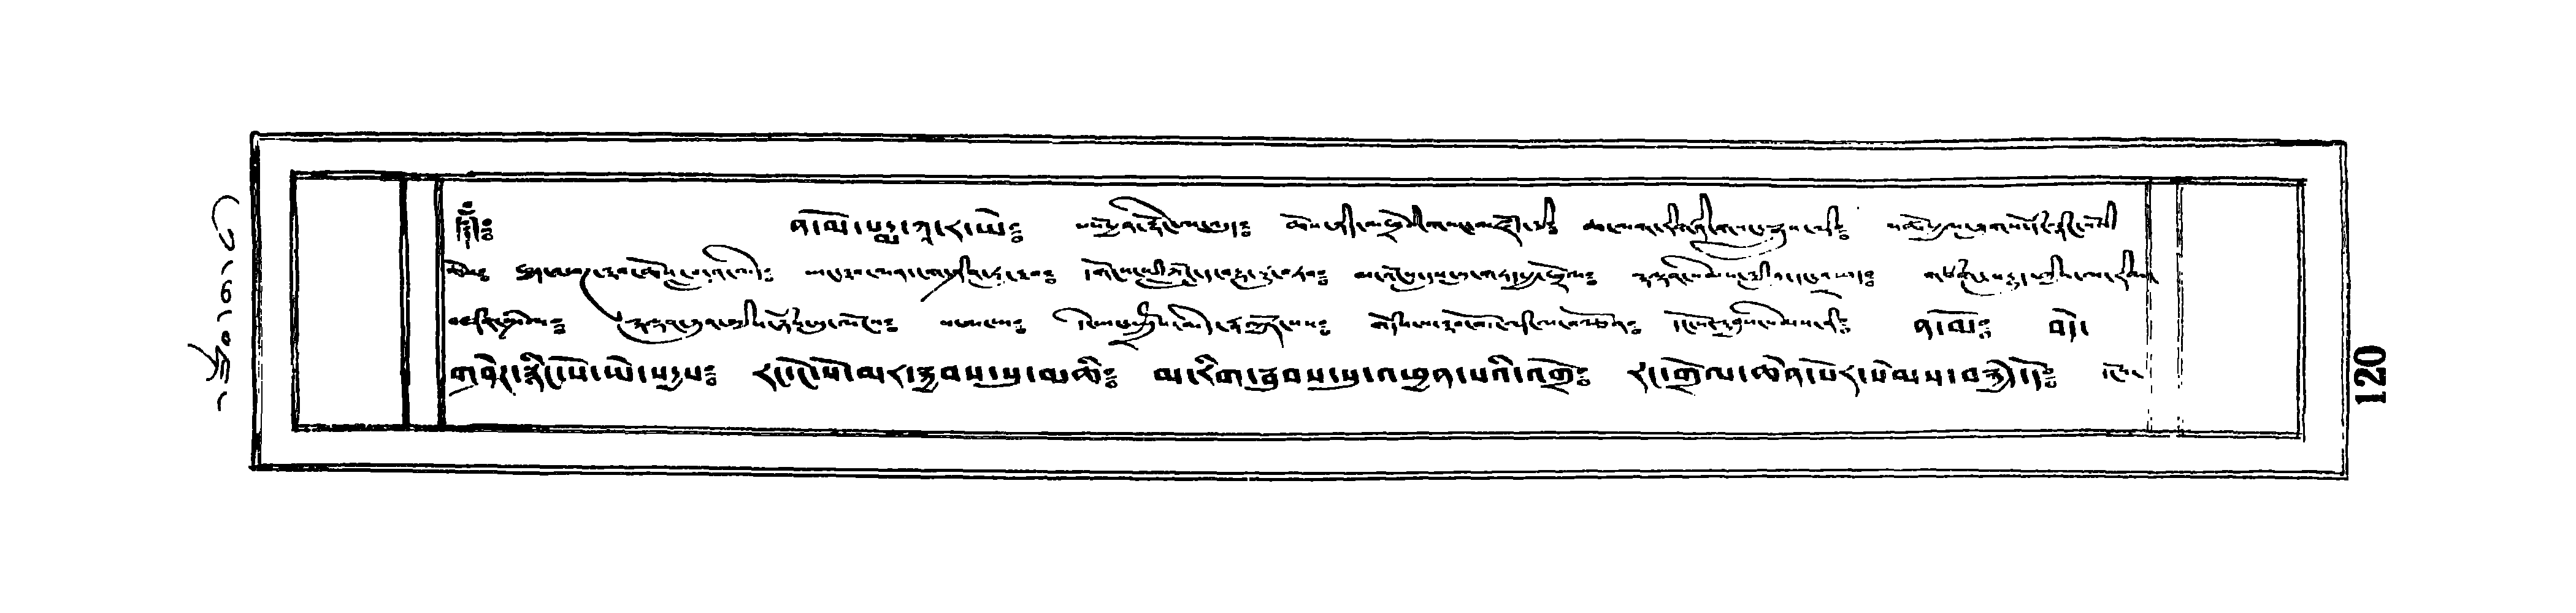ན་མོ་པདྨ་ཀཱ་ར་ཡེ༔ ཨོ་རྒྱན་རྡོ་རྗེ་འཆང་ལ་འདུད༔ ཆོས་ཉིད་མཁའ་འགྲོའི་གསང་མཛོད་ཀྱི༔ ཆ་ལག་རིག་འཛིན་གསང་སྒྲུབ་འདི༔ མཚོ་རྒྱལ་ཐུགས་དམ་སྙིང་པོའི་
ཆོས༔ ཁྱད་འཕགས་ཟབ་ཆོས་བླ་ན་མེད༔ ཡང་ཟབ་མན་ངག་ཤིན་ཏུ་ཟབ༔ དགོངས་པའི་ཀློང་དུ་བརྡ་རུ་བཏབ༔ མ་འོངས་དུས་སུ་གཏད་རྒྱ་ཕྲོལ༔ སྐལ་ལྡན་སེམས་ཀྱི་བུ་དང་འཕྲད༔ གཅིག་བརྒྱུད་གྱིས་ལ་རིམ་
བཞིན་སྤེལ༔ སྐལ་ལྡན་ཀུན་གྱིས་ཉམས་སུ་ལོངས༔ ས་མ་ཡ༔ དེ་ཡང་སྤྲོས་མེད་རྣལ་འབྱོར་པས༔ གདམས་པ་ཟབ་མོ་འདི་ལ་བརྩོན༔ དང་པོ་སྐྱབས་སེམས་ནི༔ ན་མོ༔ བདེ་
གཤེགས་སྙིང་པོ་ཡེ་སངས་རྒྱས༔ རང་ངོ་སོ་མར་སྐྱབས་སུ་མཆི༔ མ་རིག་སྦུབས་སུ་འཕྱན་པའི་འགྲོ༔ རང་གྲོལ་ཆེན་པོར་སེམས་བསྐྱེད་དོ༔ དངོས་